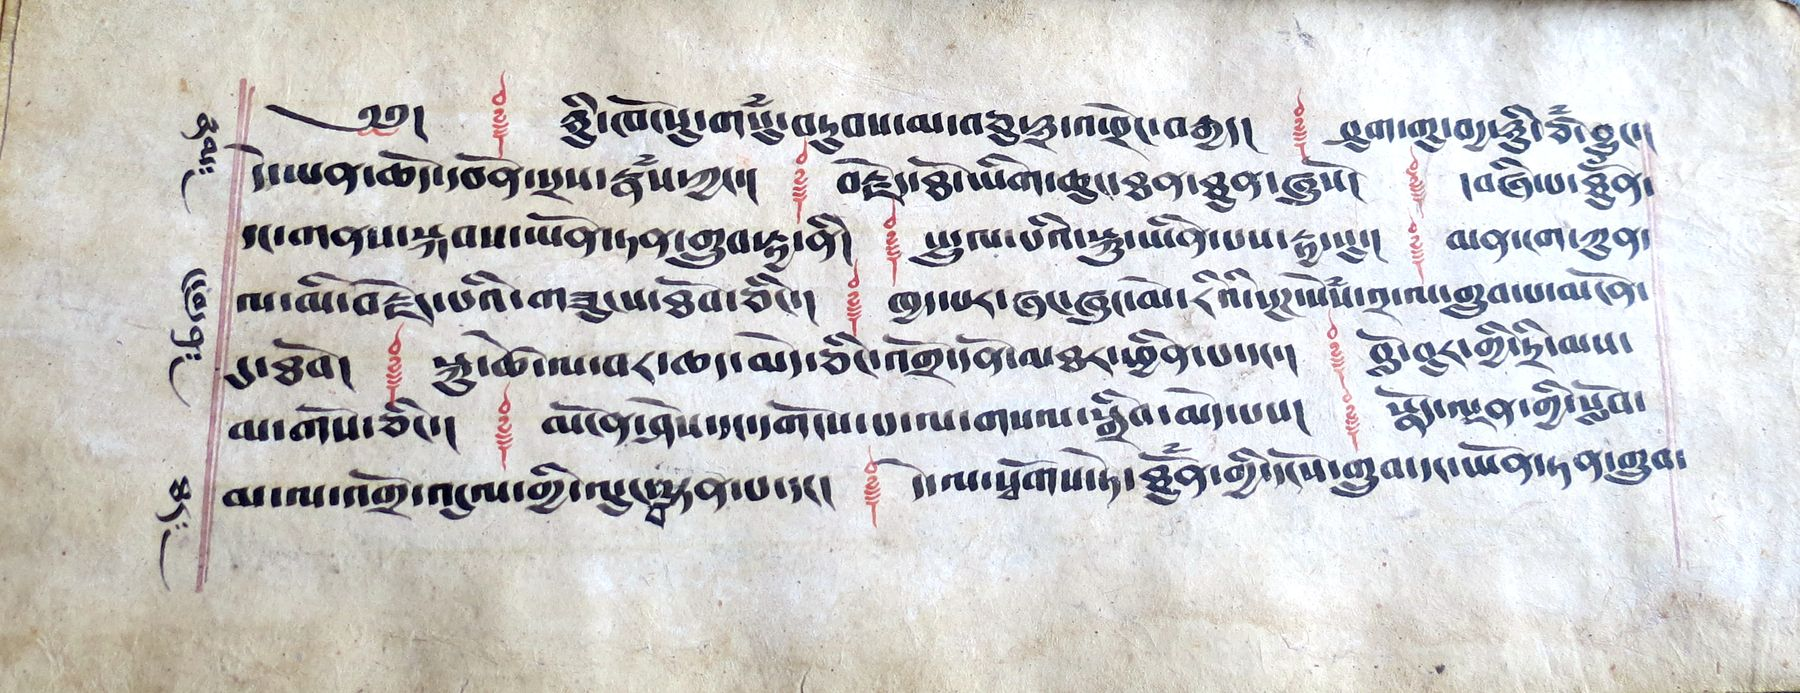ཉི་ཤུའི་ཁོངས་སུ་གསུམ་བཏུབ་མ་བཅུ་གསུམ་འཕྲིང་། ཤོག་གུ་བརྒྱ་ཉི་ཤུ་ཙམ་བྱུང་། 
དེ་མན་ཆོད་དབོན་སྲས་རྣམས་ཀྱིས་ཀྱང་། བརྗེད་ཐོ་ཡིག་ཆུང་ཐན་ཐུན་ཞུས་སོ། ། བཞི་པ་ཐུན་མོང་
དང་གནས་སྐབས་ཀྱི་ཡོན་ཏན་གྲུབ་རྟགས་ནི། སྤྲུལ་པའི་སྐུ་ཡིན་པའི་རྟགས་སུ། མན་ངག་ཀུན་
ལ་མི་བརྗེད་པའི་གཟུངས་ཐོབ་ཅིང་། ཁྱད་པར་ཞང་ཞུང་མེ་རིའི་སྔགས་སེམས་གཉིས་ལ་གྲུབ་པ་མངོན་
དུ་ཐོབ། སྐུ་ཚེ་ལ་བར་ཆོད་མེད་ཅིང་འགྲོ་དོན་མཐར་ཕྱིན་པ་དང་། གློ་བུར་གྱི་དྲི་མས་
མ་གོས་ཤིང་། མངོན་ཤེས་དང་དགོངས་པ་ལ་གསལ་འགྲིབ་མེད་པས། སྣོད་ལྡན་གྱི་སློབ་
མ་ལ་འགྲོ་འདུལ་གྱི་ལུང་སྟོན་པ་དང་། དེ་ལས་སོགས་ཏེ་ཐུན་མོང་གི་དངོས་གྲུབ་དང་ཡོན་ཏན་གྲུབ་